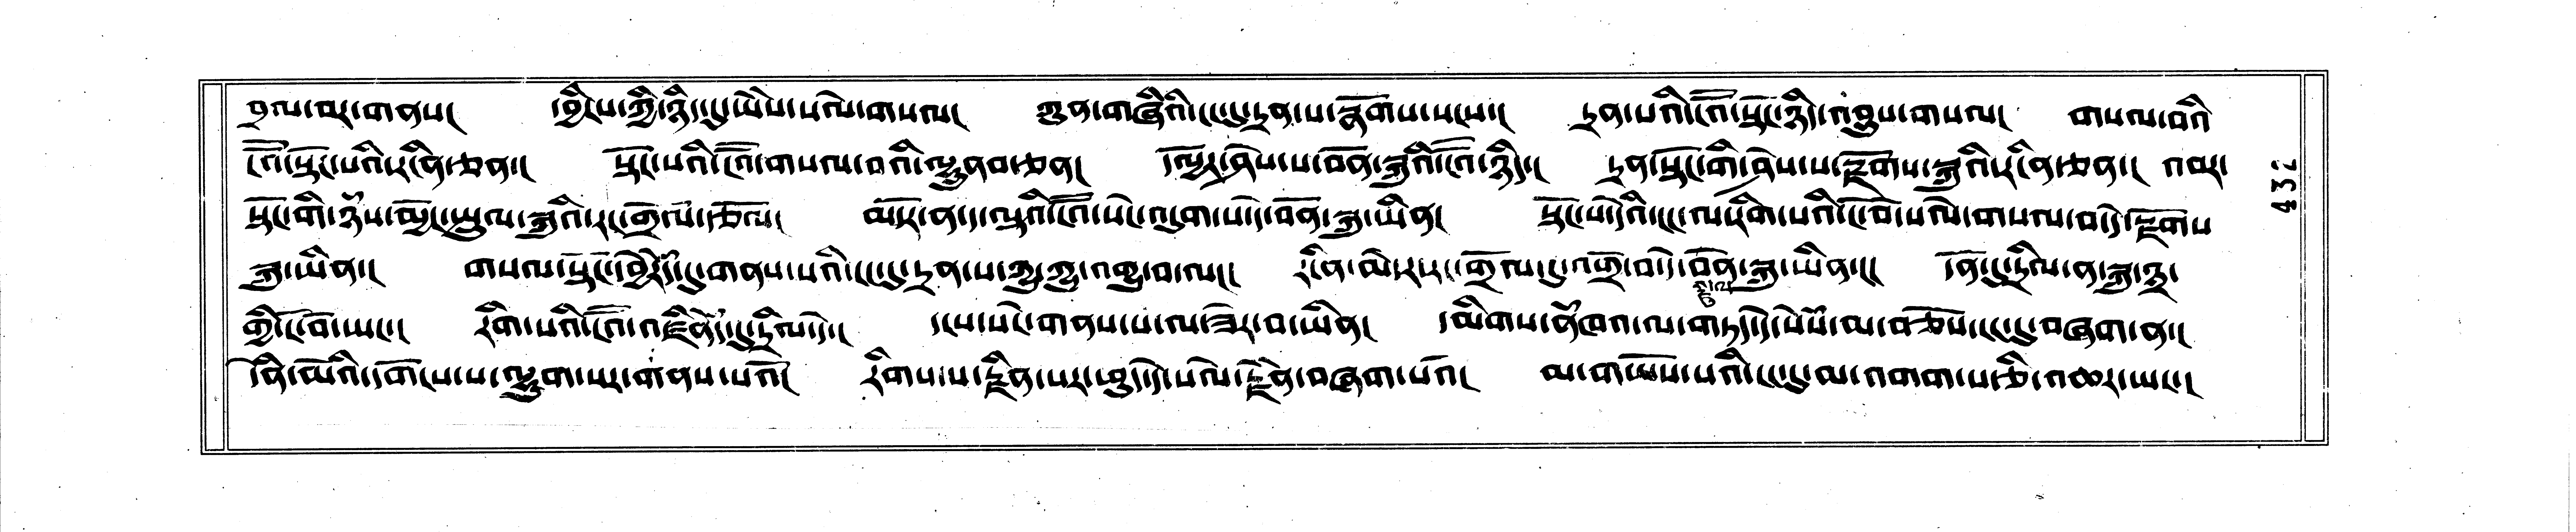བྲལ་བར་གནས། དབྱིངས་ཀྱི་ངང་དུ་ཡེ་ཤེས་སལེ་གསལ། ཀུན་གཞིའི་ངང་དུ་དྲན་པ་སྣ་ཚོགས་སངས། དྲན་པའི་ངོའོ་སྟོང་ཉིད་འབྲས་བུར་གསལ། གསལ་བའི་ངོ
འོ་སྟོང་པའི་རང་བཞིན་ཅན། སྟོང་པའི་ངོའོ་གསལ་བའི་ལྷུན་གྲུབ་ཅན། ཐོལ་ཅེས་༼སྐྱེས༽ཀྱིས་ཤེས་པ་བོན་སྐུའི་ངོའོ་ཉིད། དྲན་སྟོང་གི་ཤེས་པ་རྫོགས་སྐུའི་ངོའོ་ཉིད། འབར་
སྟོང་གིས་ཉམས་མྱོང་སྤྲུལ་སྐུའི་རང་གྲོལ་རྩལ། མདོར་ན་ད་ལྟའི་ངོའོ་སྟོང་སང་ངེ་འདུག་པ་འདི་བོན་སྐུ་ཡིན། སྟོང་པ་དེའི་ངང་ལ་རིག་པའི་ངོའོ་སལེ་གསལ་བ་དེ་རྫོགས་
འི་སྐུ་ཡིན། གསལ་སྟོང་དབྱེར་མེད་དུ་གནས་པའི་ངང་དུ། དྲན་པ་ཀྱུ་ཀྱུ་འགྱུ་བ་དེ་ལ། རང་བཞིན་མེད་པར་རང་གྲོལ་དུ་གྲོལ་བ་དེ་སྤྲུལ་པའི་སྐུ་ཡིན། དོན་དུ་དྲིལ་ནས་སྐུ་གསུམ་
གྱི་ངོའོ་ཡང་། རིག་པའི་ངོའོ་འཛིན་མེད་དུ་གྲོལ་ཏེ། དང་སང་ངེ་གནས་པ་འདི་ལ་ཟེར་བ་ཡིན། མིག་ནམ་མཁའ་གཏད་སྟེ་སེམས་མ་བཅོས་པའི་ངང་དུ་བཞག་ན། 
་བཞིན་མོའི་དགོངས་པ་ལྷུག་པར་རྒྱུད་ལ་གནས་པའོ། རིག་པ་རྗེན་པར་ཕུད་སྟེ་སལེ་རྗེན་ནེ་བཞག་པའོ། མ་གཡོས་པའི་ངང་དུ་མ་འགག་པ་ཅི་འཆར་ཡང་།